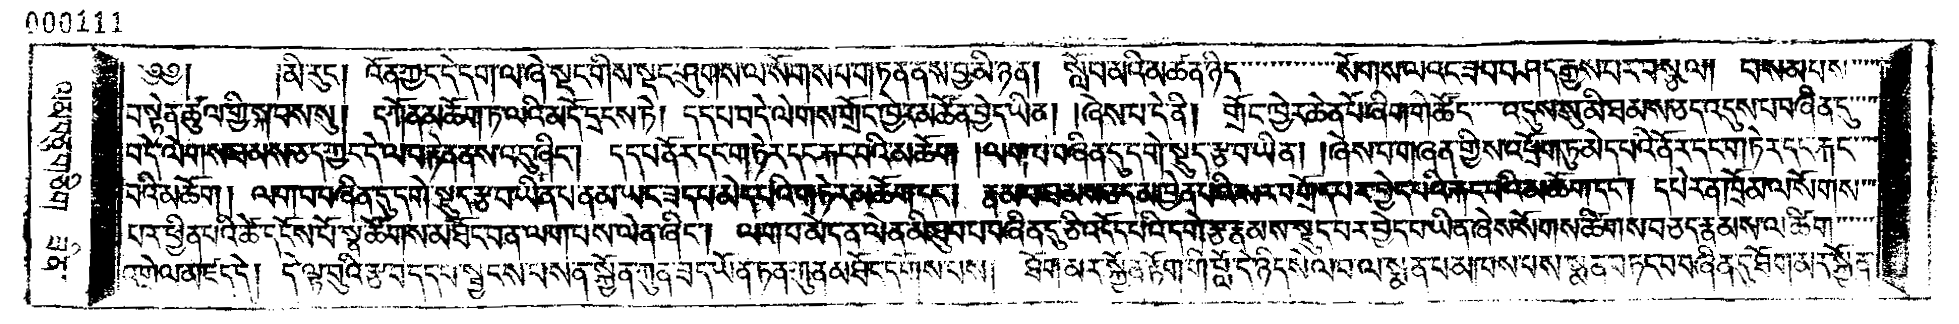༄༅། །མི་རུང་། འོན་ཀྱང་དེ་དག་ལ་ཞེ་སྡང་གིས་སྡང་ཤུགས་ལ་སོགས་པ་གཏན་ནས་བྱ་མི་ཉན། སློབ་མའི་མཚན་ཉིད་སོགས་ལའང་ཟབ་བཤད་རྒྱས་པར་བསྩལ། བསམ་པས་
བསྟེན་ཚུལ་གྱི་སྐབས་སུ། དཀོན་མཆོག་ཏ་ལའི་མདོ་དྲངས་ཏེ། དད་པ་བདེ་ལེགས་གྲོང་ཁྱེར་མཚོན་བྱེད་ཡིན། །ཞེས་པ་དེ་ནི། གྲོང་ཁྱེར་ཆེན་པོ་ཞིག་གི་ཚོང་འདུས་སུ་མི་ཐམས་ཅད་འདུས་པ་བཞིན་དུ་
བདེ་ལེགས་ཐམས་ཅད་ཀྱང་དེ་ལ་བརྟེན་ནས་འདུ་ཞིང་། དད་པ་ནོར་དང་གཏེར་དང་རྐང་བའི་མཆོག །ལག་པ་བཞིན་དུ་དགེ་སྡུད་རྩ་བ་ཡིན། །ཞེས་པ་གཞན་གྱིས་འཕྲོག་ཏུ་མེད་པའི་ནོར་དང་གཏེར་དང་རྐང་
བའི་མཆོག །ལག་པ་བཞིན་དུ་དགེ་སྡུད་རྩ་བ་ཡིན་པ་ནམ་ཡང་ཟད་པ་མེད་པའི་གཏེར་མཆོག་དང་། རྣམ་པ་ཐམས་ཅད་མཁྱེན་པའི་སར་བགྲོད་པར་བྱེད་པའི་རྐང་བའི་མཆོག་དང་། དཔེར་ན་ཁྲོམ་ལ་སོགས་
པར་ཕྱིན་པའི་ཚེ་དངོས་པོ་སྣ་ཚོགས་མཐོང་བ་ན་ལག་པས་ལེན་ཞིང་། ལག་པ་མེད་ན་ལེན་མི་ཐུབ་པ་བཞིན་དུ་ཅི་འདོད་པའི་དགེ་རྩ་རྣམས་སྡུད་པར་བྱེད་པ་ཡིན་ཞེས་སོགས་ཚིགས་བཅད་རྣམས་ལ་ཚིག་
འགྲེལ་མཛད་དེ། དེ་ལྟ་བུའི་རྩ་བ་དད་པ་སྦྱངས་པས་ན་སྐྱོན་ཀུན་ཟད་ཡོན་ཏན་ཀུན་མཐོང་དགོས་པས། ཐོག་མར་སྐྱོན་རྟོག་གི་བློ་དེ་ཉིད་སེལ་བ་ལ་སྨན་པ་མཁས་པས་སྨན་བཏང་བ་བཞིན་དུ་ཐོག་མར་སྐྱོན་